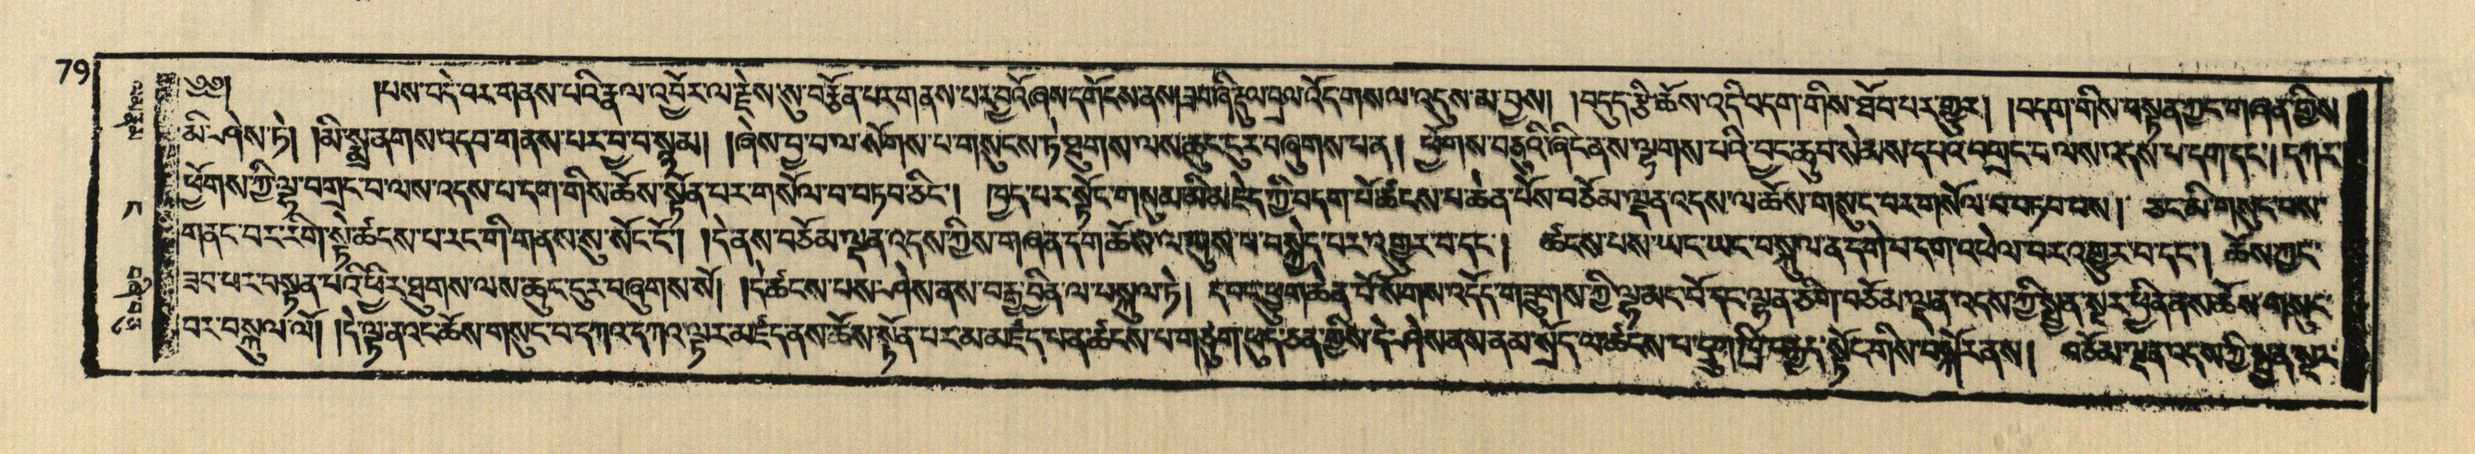༄༅། །པས་བདེ་བར་གནས་པའི་རྣལ་འབྱོར་ལ་རྗེས་སུ་བརྩོན་པར་གནས་པར་བྱའོ་ཞས་དགོངས་ནས། ཟབ་ཞི་རྡུལ་བྲལ་འོད་གསལ་འདུས་མ་བྱས། །བདུད་རྩི་ཆོས་འདི་བདག་གིས་ཐོབ་པར་གྱུར། །བདག་གིས་བསྟན་ཀྱང་གཞན་གྱིས་
མི་ཤེས་ཏེ། །མི་སྨྲ་ནགས་འདབ་གནས་པར་བྱ་བ་སྙམ། །ཞེས་བྱ་བ་ལ་སོགས་པ་གསུངས་ཏེ་ཐུགས་ལས་ཆུང་དུར་བཞུགས་པ་ན། ཕྱོགས་བཅུའི་ཞིང་ནས་ལྷགས་པའི་བྱང་ཆུབ་སེམས་དཔའ་བགྲང་བ་ལས་འདས་པ་དག་དང་། དཀར་
ཕྱོགས་ཀྱི་ལྷ་བགྲང་བ་ལས་འདས་པ་དག་གིས་ཆོས་སྟོན་པར་གསོལ་བ་བཏབ་ཅིང་། ཁྱད་པར་སྟོང་གསུམ་མི་མཇེད་ཀྱི་བདག་པོ་ཚངས་པ་ཆེན་པོས་བཅོམ་ལྡན་འདས་ལ་ཆོས་གསུང་བར་གསོལ་བ་བཏབ་བས། ཅང་མི་གསུང་བས་
གནང་བར་རིག་སྟེ་ཚངས་པ་རང་གི་གནས་སུ་སོང་ངོ། །དེ་ནས་བཅོམ་ལྡན་འདས་ཀྱིས་གཞན་དག་ཆོས་ལ་གུས་པ་བསྐྱེད་པར་འགྱུར་བ་དང་། ཚངས་པས་ཡང་ཡང་བསྐུལ་ན་དགེ་བ་དག་འཕེལ་བར་འགྱུར་བ་དང་། ཆོས་ཀྱང་
ཟབ་པར་བསྟན་པའི་ཕྱིར་ཐུགས་ལས་ཆུང་དུར་བཞུགས་སོ། །དེ་ཚངས་པས་ཤེས་ནས་བརྒྱ་བྱིན་ལ་བསྐུལ་ཏེ། དབང་ཕྱུག་ཆེན་པོ་སོགས་འདོད་གཟུགས་ཀྱི་ལྷ་མང་བོ་དང་ལྷན་ཅིག་བཅོམ་ལྡན་འདས་ཀྱི་སྤྱན་སྔར་ཕྱིན་ནས་ཆོས་གསུང་
བར་བསྐུལ་ལོ། །དེ་ལྟ་ནའང་ཆོས་གསུང་བ་དཀའ་དཀའ་ལྟར་མཛད་ནས་ཆོས་སྟོན་པར་མ་མཛད་པ་ན་ཚངས་པ་གཙུག་ཕུད་ཅན་གྱིས་དེ་ཤེས་ནས་ནམ་སྲོད་ལ་ཚངས་པ་དྲུག་ཁྲི་བརྒྱད་སྟོང་གིས་བསྐོར་ནས། བཅོམ་ལྡན་འདས་ཀྱི་སྦྱན་སྔར་